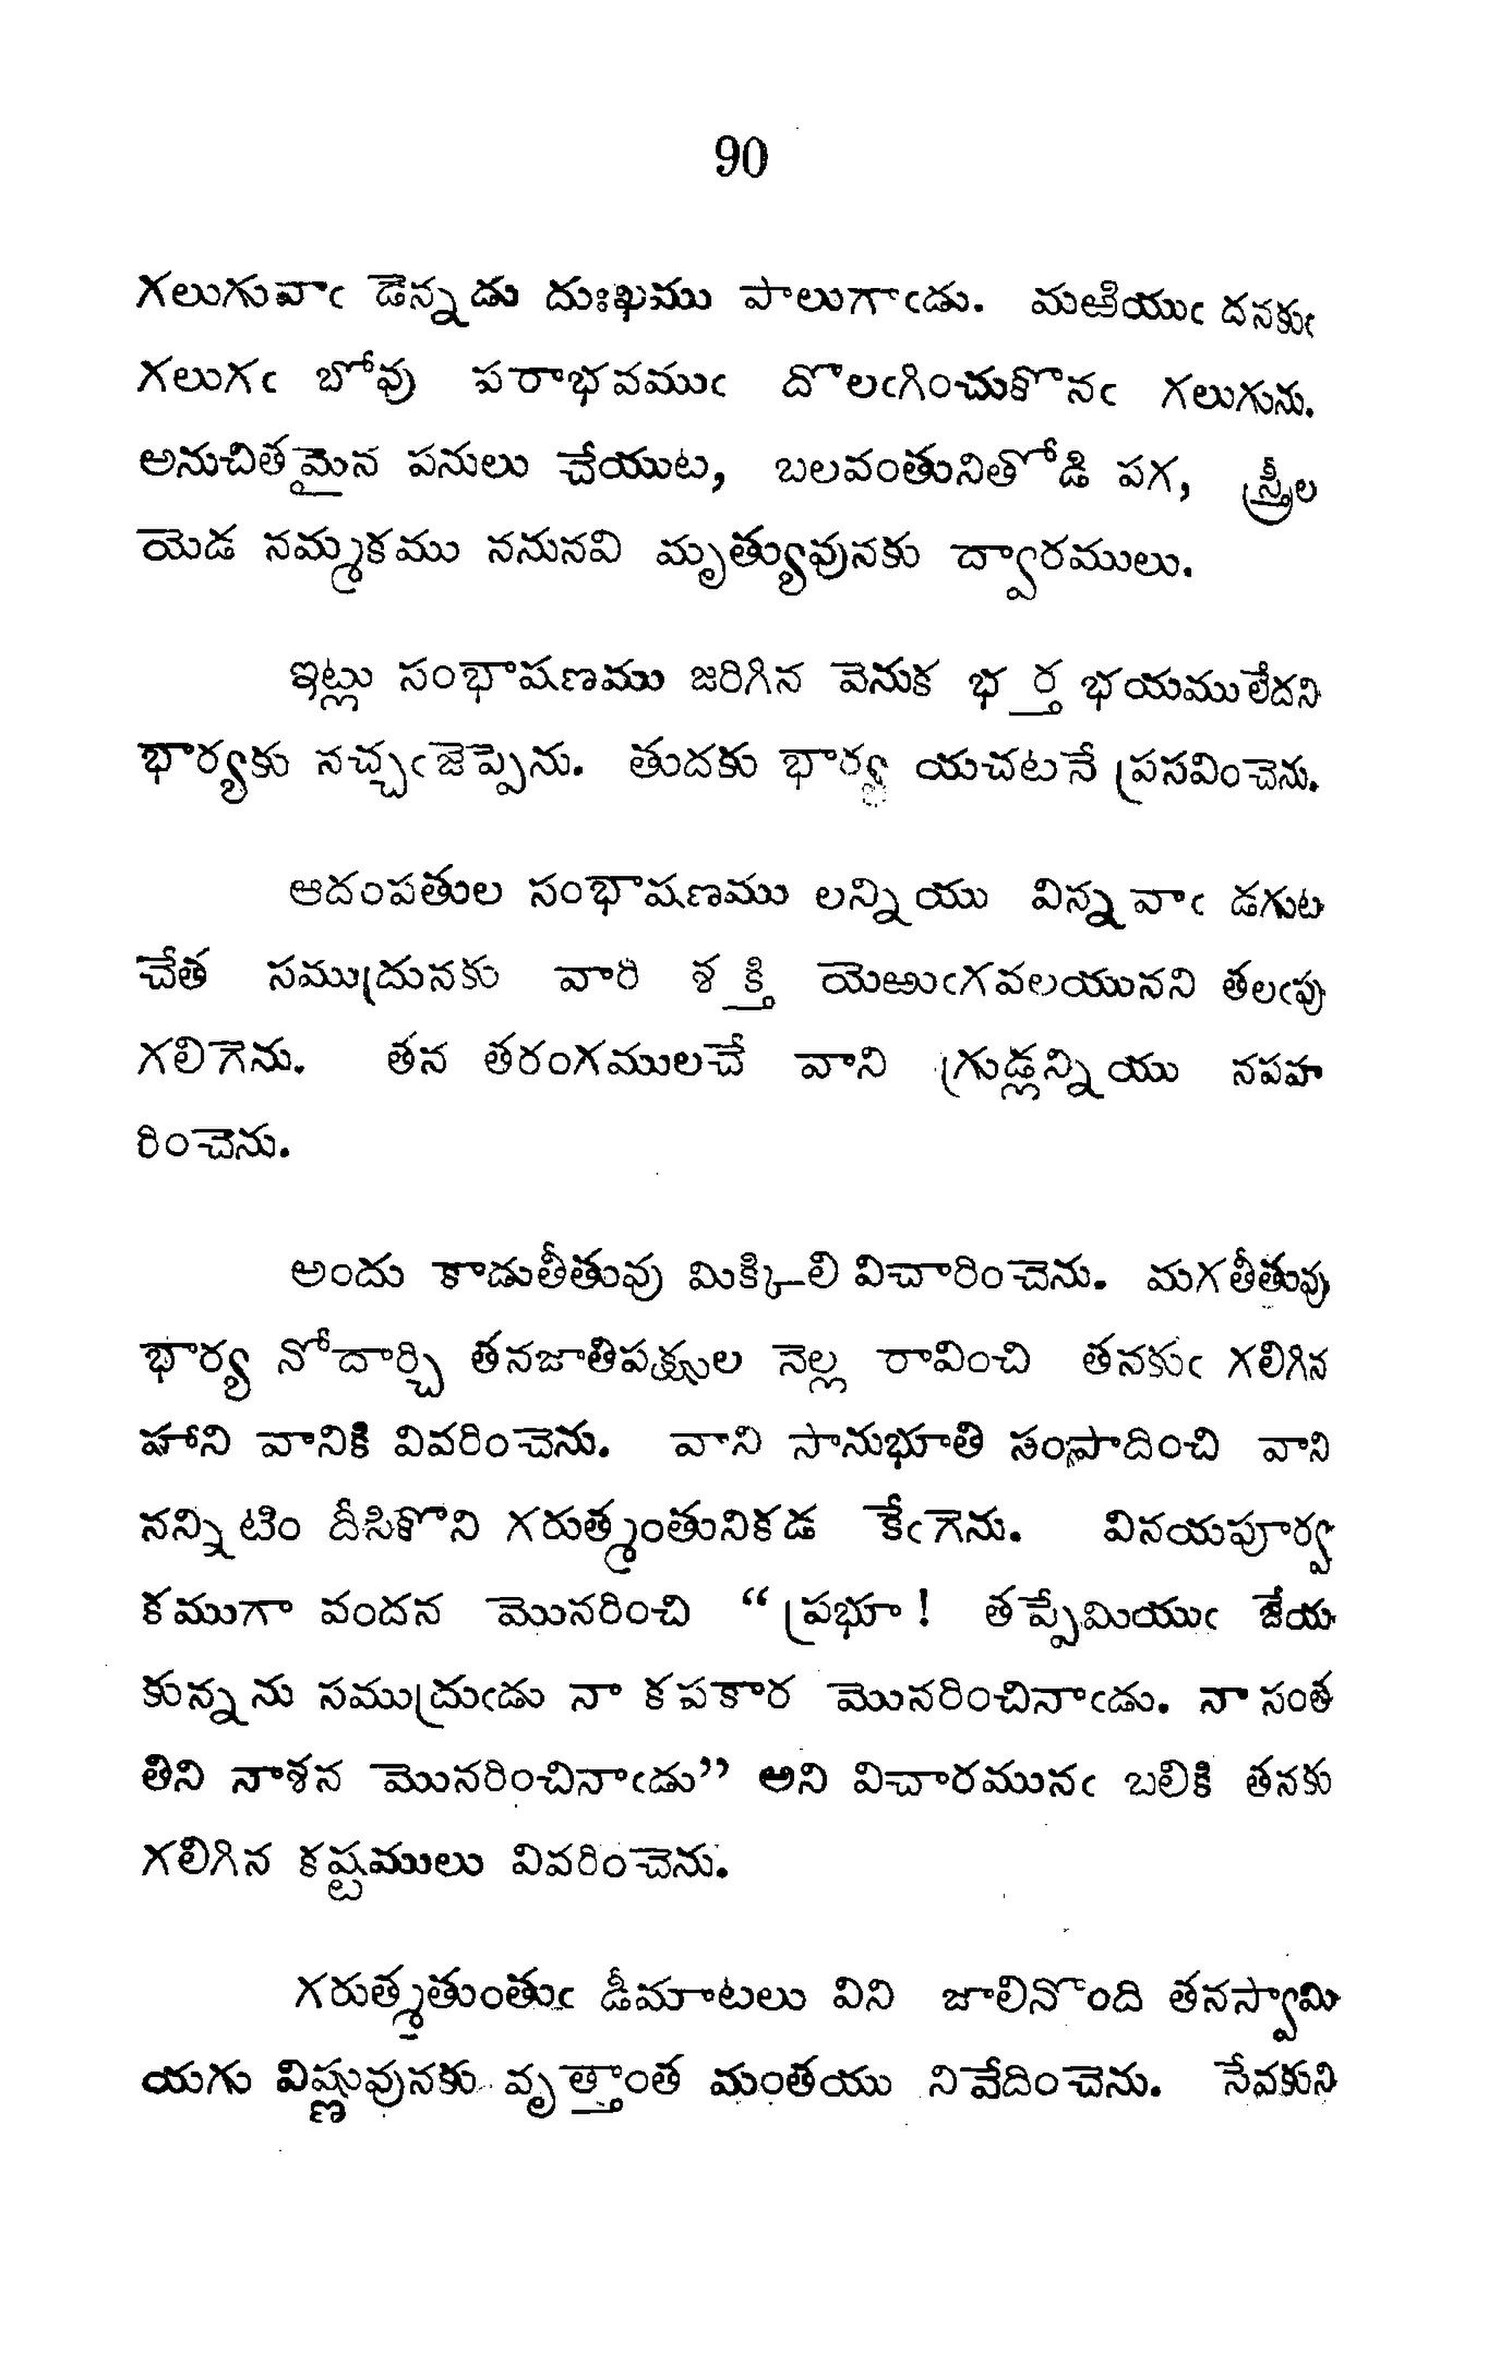గలుగువా డెన్నడు దు:ఖము పాలుగాడు. మఱియు దనకు గలుగ బోవు పరాభవము దొలగించుకొన గలుగును. అనుచితమైన పనులు చేయుట, బలవంతునితోడి పగ, స్త్రీల యెడ నమ్మకము ననునవి మృత్యువునకు ద్వారములు.

ఇట్లు సంభాషణము జరిగిన వెనుక భర్త భయములేదని భార్యకు నచ్చ జెప్పెను. తుదకు భార్య యచటనే ప్రసవించెను.

ఆదంపతుల సంభాషణము లన్నియు విన్నవా డగుటచేత సముద్రునకు వారి శక్తి యెఱుగవలయునని తలపు గలిగెను. తన తరంగములచే వాని గ్రుడ్లున్నియు నపహరించెను.

అందు కాడుతీతువు మిక్కిలి విచారించెను. మగతీతువు భార్య నోదార్చి తనజాతిపక్షుల నెల్ల రావించి తనకు గలిగిన హాని వానికి వివరించెను. వాని సానుభూతి సంపాదించి వాని నన్నిటిం దీసికొని గరుత్మంతునికడ కేగెను. వినయపూర్వకముగా వందన మొనరించి "ప్రభూ! తప్పేమియు జేయకున్నను సముద్రుడు నా కపకార మొనరించినాడు. నాసంతతిని నాశన మొనరించినాడు" అని విచారమున బలికి తనకు గలిగిన కష్టములు వివరించెను.

గరుత్మతుంతు డీమాటలు విని జాలినొంది తనస్వామియగు విష్ణువునకు వృత్తాంత మంతయు నివేదించెను. సేవకుని